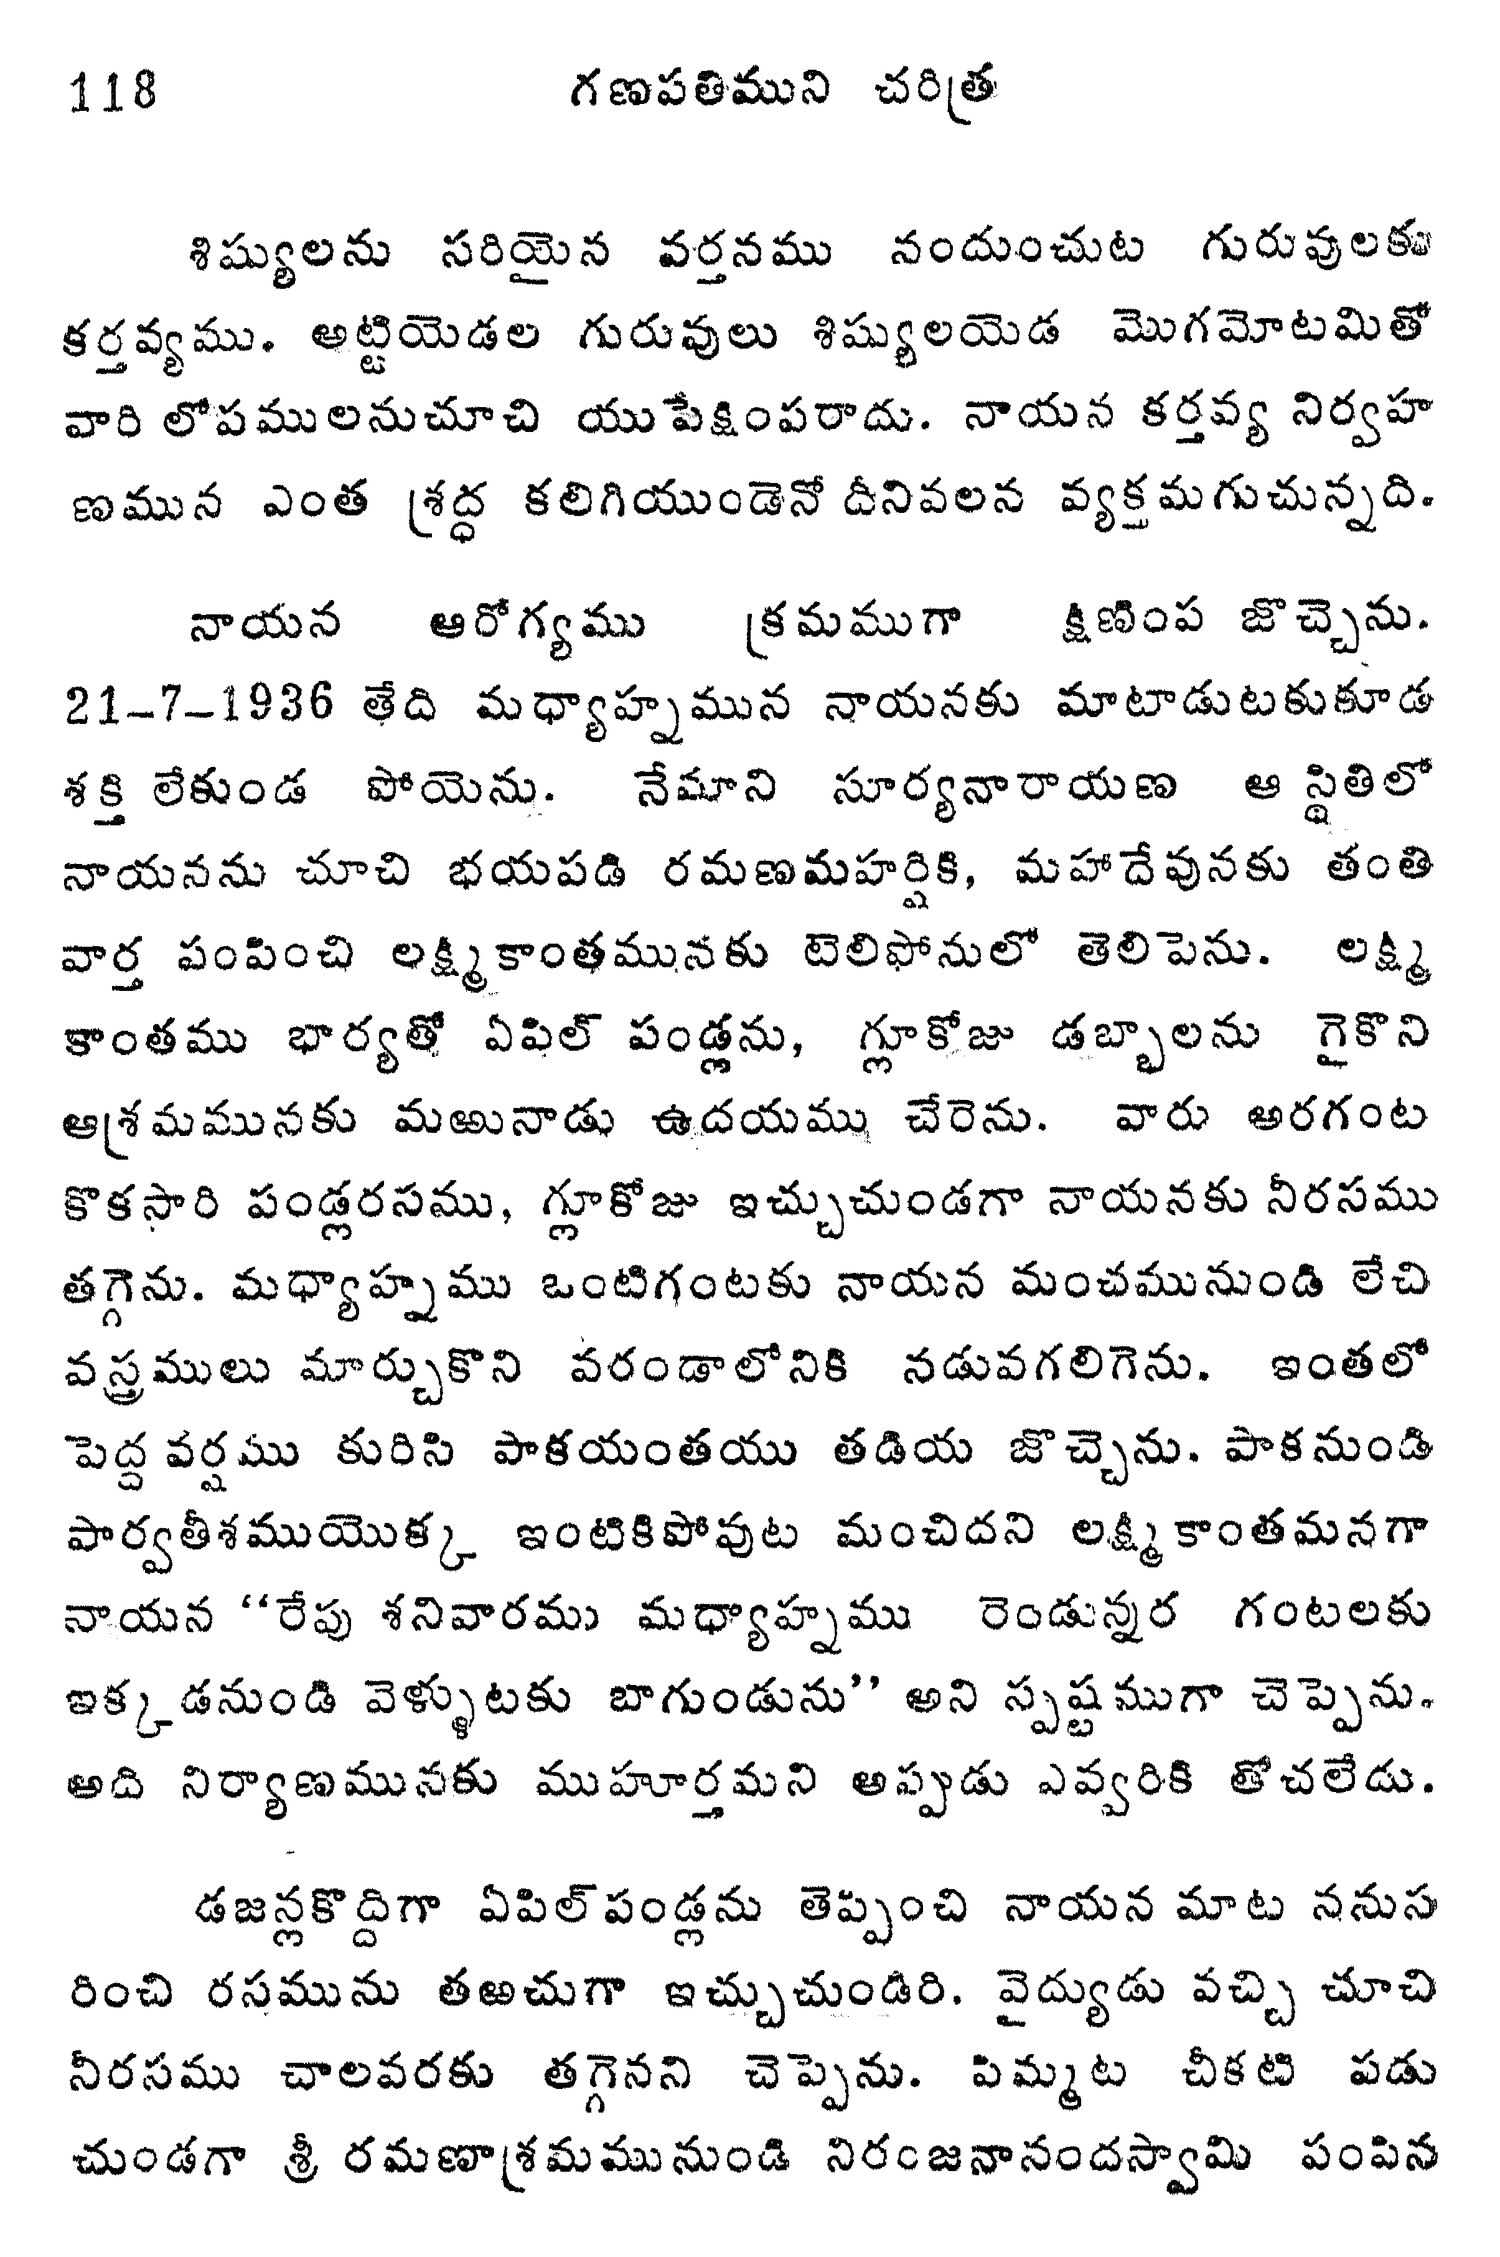శిష్యులను సరియైన వర్తనము నందుంచుట గురువులకు కర్తవ్యము. అట్టియెడల గురువులు శిష్యులయెడ మొగమోటమితో వారి లోపములనుచూచి యుపేక్షింపరాదు. నాయన కర్తవ్య నిర్వహణమున ఎంత శ్రద్ద కలిగియుండెనో దీనివలన వ్యక్తమగుచున్నది.

నాయన ఆరోగ్యము క్రమముగా క్షీణింప జొచ్చెను. 21-7-1936 తేది మధ్యాహ్నమున నాయనకు మాటాడుటకుకూడ శక్తి లేకుండ పోయెను. నేమాని సూర్యనారాయణ అ స్థితిలో నాయనను చూచి భయపడి రమణమహర్షికి, మహాదేవునకు తంతి వార్త పంపించి లక్ష్మికాంతమునకు టెలిఫోనులో తెలిపెను. లక్ష్మికాంతము భార్యతో ఏపిల్ పండ్లను, గ్లూకోజు డబ్బాలను గైకొని ఆశ్రమమునకు మఱునాడు ఉదయము చేరెను. వారు అరగంట కొకసారి పండ్లరసము, గ్లూకోజు ఇచ్చుచుండగా నాయనకు నీరసము తగ్గెను. మధ్యాహ్నము ఒంటిగంటకు నాయన మంచమునుండి లేచి వస్త్రములు మార్చుకొని వరండాలోనికి నడువగలిగెను. ఇంతలో పెద్ద వర్షము కురిసి పాకయంతయు తడియ జొచ్చెను. పాకనుండి పార్వతీశముయొక్క ఇంటికిపోవుట మంచిదని లక్ష్మికాంతమనగా నాయన "రేపు శనివారము మధ్యాహ్నము రెండున్నర గంటలకు ఇక్కడనుండి వెళ్ళుటకు బాగుండును" అని స్పష్టముగా చెప్పెను. అది నిర్యాణమునకు ముహూర్తమని అప్పుడు ఎవ్వరికి తోచలేదు.

డజన్లకొద్దిగా ఏపిల్‌పండ్లను తెప్పించి నాయన మాట ననుసరించి రసమును తఱచుగా ఇచ్చుచుండిరి. వైద్యుడు వచ్చి చూచి నీరసము చాలవరకు తగ్గెనని చెప్పెను. పిమ్మట చీకటి పడుచుండగా శ్రీ రమణాశ్రమమునుండి నిరంజనానందస్వామి పంపిన